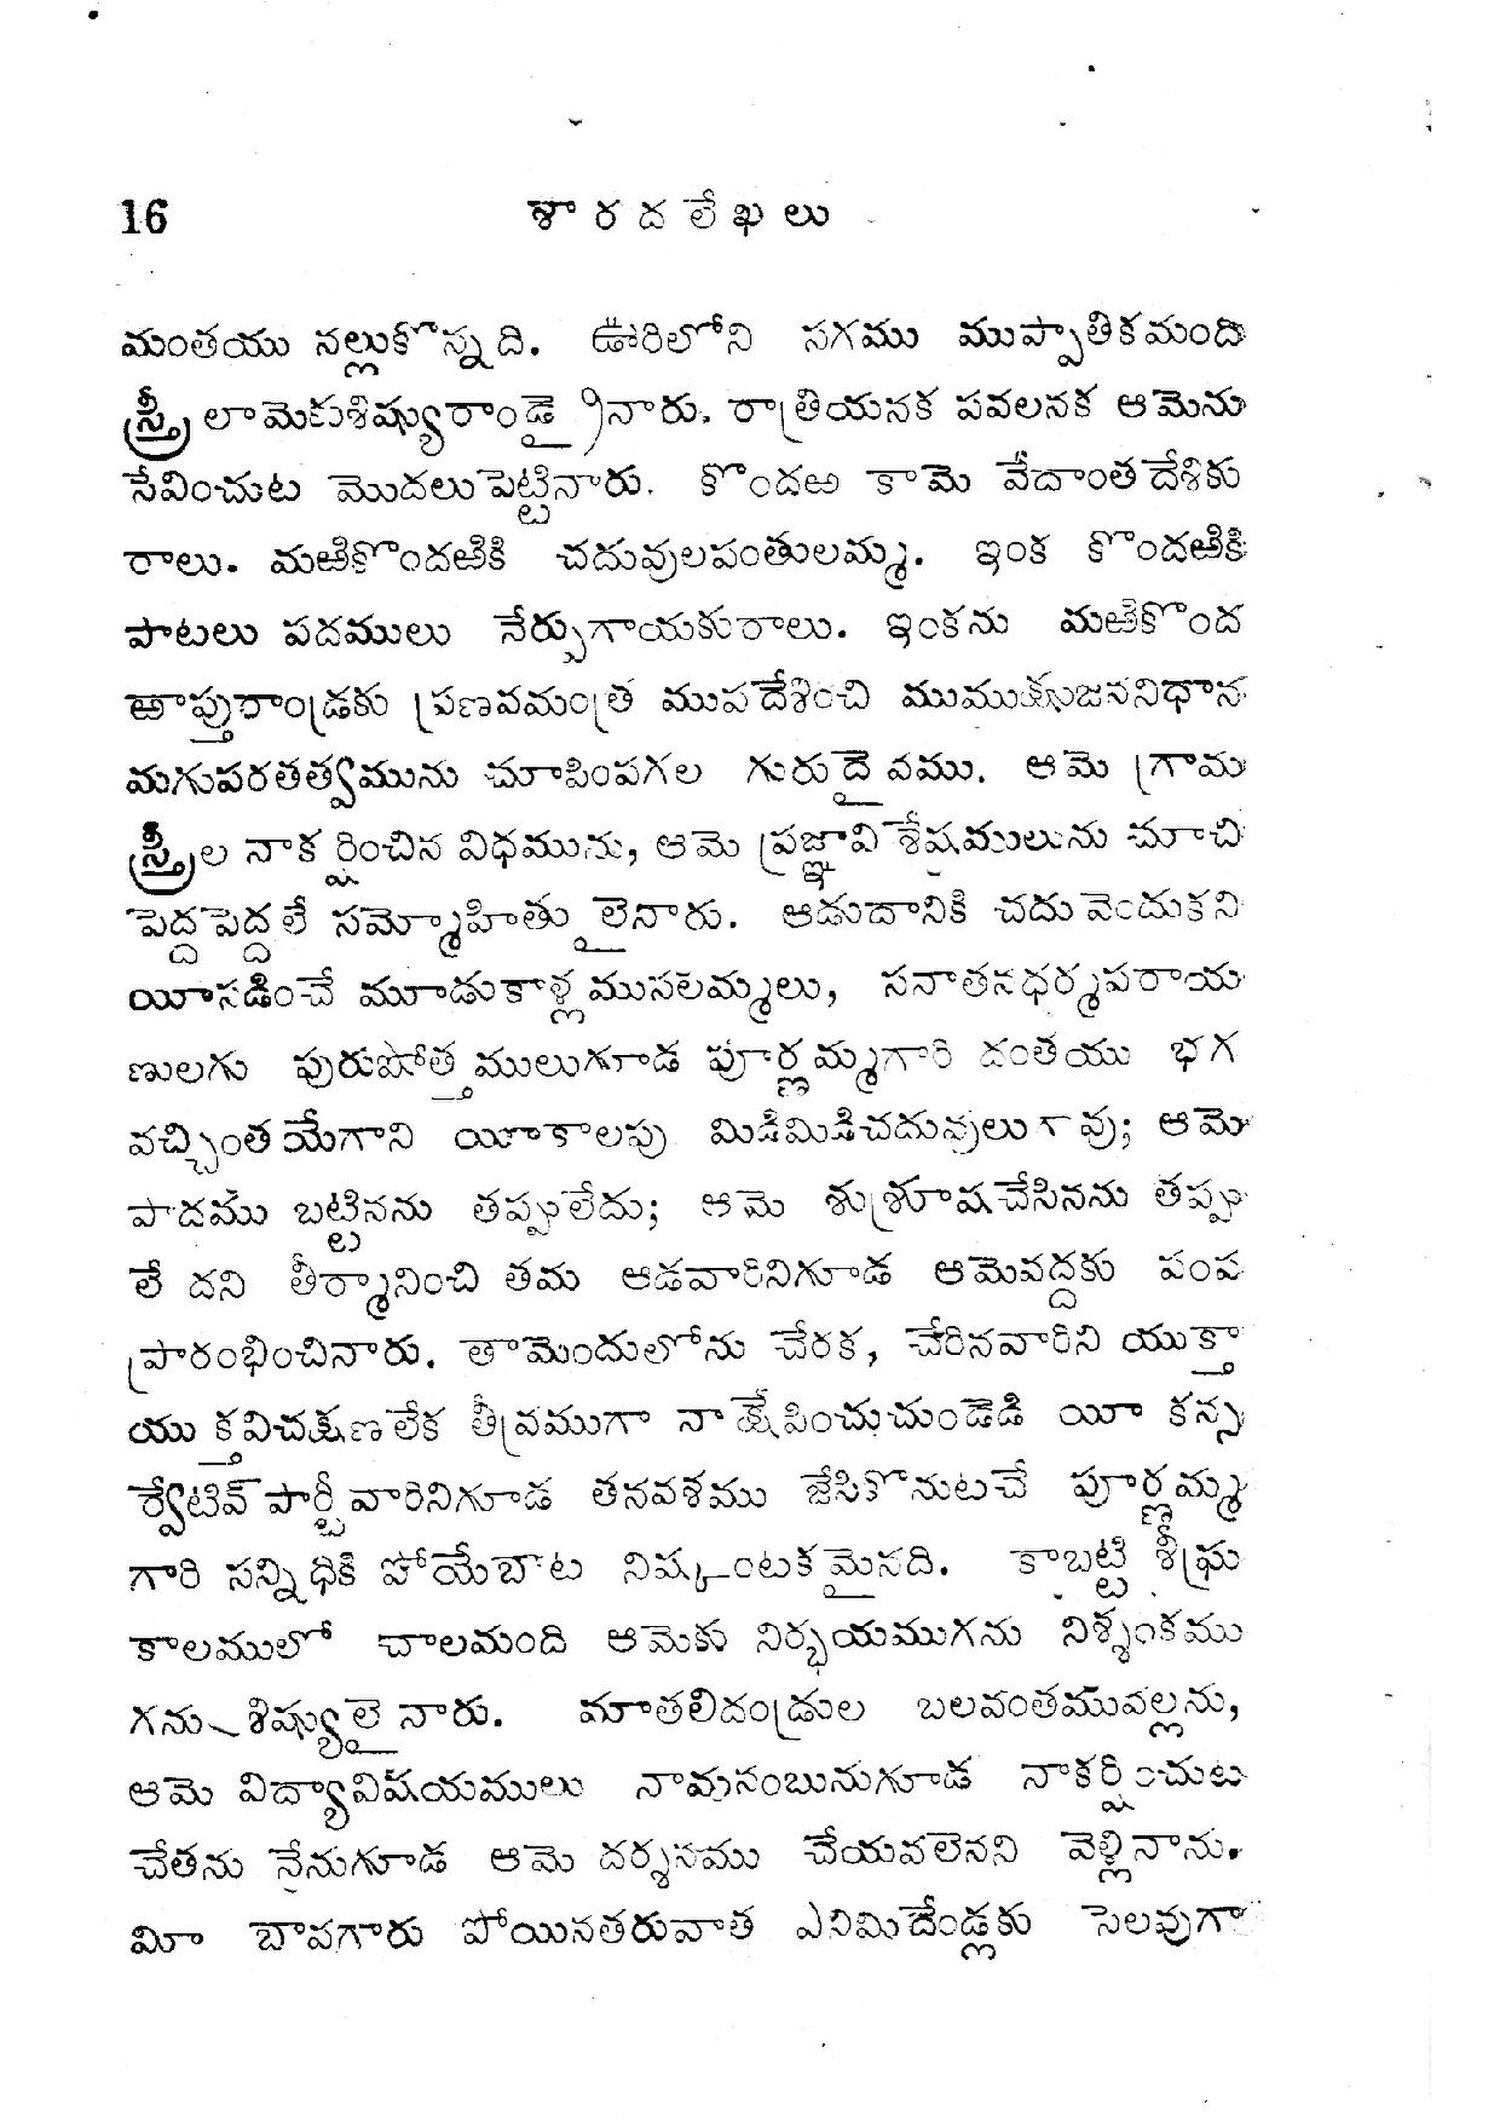మంతయు నల్లుకొన్నది. ఊరిలోని సగము ముప్పాతికమంది
స్త్రీలామెకుశిష్యురాండ్రైనారు. రాత్రియనక పవలనక ఆమెను
సేవించుట మొదలు పెట్టినారు. కొందఱు కామె వేదాంతదేశికు
రాలు. మఱికొందఱికి చదువుల పంతులమ్మ. ఇంక కొందఱికి
పాటలు పదములు నేర్పుగాయకురాలు. ఇంకను మఱికొంద
ఱాప్తురాండ్రకు ప్రణవమంత్ర ముపదేశించి ముముక్షుజననిధాన
మగుపరతత్వమును చూపింపగల గురుదైవము. ఆమె గ్రామ 
స్త్రీలనాకర్శించిన విధమును, ఆమె ప్రజ్ఞావిశేషములును చూచి
పెద్దపెద్దలే సమ్మోహితులైనారు. ఆడుదానికి చదువెందుకని
యీసడించే మూడుకాళ్ల ముసలమ్మలు, సనాతనధర్మపరాయ
ణులగు పురుషోత్తములుగూడ పూర్ణమ్మగారి దంతయు భగ
వచ్చింతయేగాని యీకాలపు మిడిమిడిచదువులు గావు; ఆమె
పాదము బట్టినను తప్పులేదు; ఆమె శుశ్రూషచేసినను తప్పు 
లేదని తీర్మానించి తమ ఆడవారినిగూడ ఆమెవద్దకు పంప
ప్రారంభించినారు. తామెందులోను చేరక, చేరినవారిని యుక్తా
యుక్తవిచక్షణ లేక తీవ్రముగా నాక్షేపించుచుండెడి యీ కన్స
ర్వేటివ్ పార్టీవారినిగూడ తనవశము జేసికొనుటచే పూర్ణమ్మ
గారి సన్నిధికి పోయేబాట నిష్కంటకమైనది. కాబట్టి శీఘ్ర
కాలములో చాలమంది ఆమెకు నిర్భయముగను నిశ్శంకము
గను శిష్యులైనారు. మాతలిదండ్రుల బలవంతమువల్లను,
ఆమె విద్యావిషయములు నావునంబునుగూడ నాకర్షించుట
చేతను నేనుగూడ ఆమె దర్శనము చేయవలెనని వెళ్లినాను.
మీ బావగారు పోయినతరువాత ఎనిమిదేండ్లకు సెలవుగా